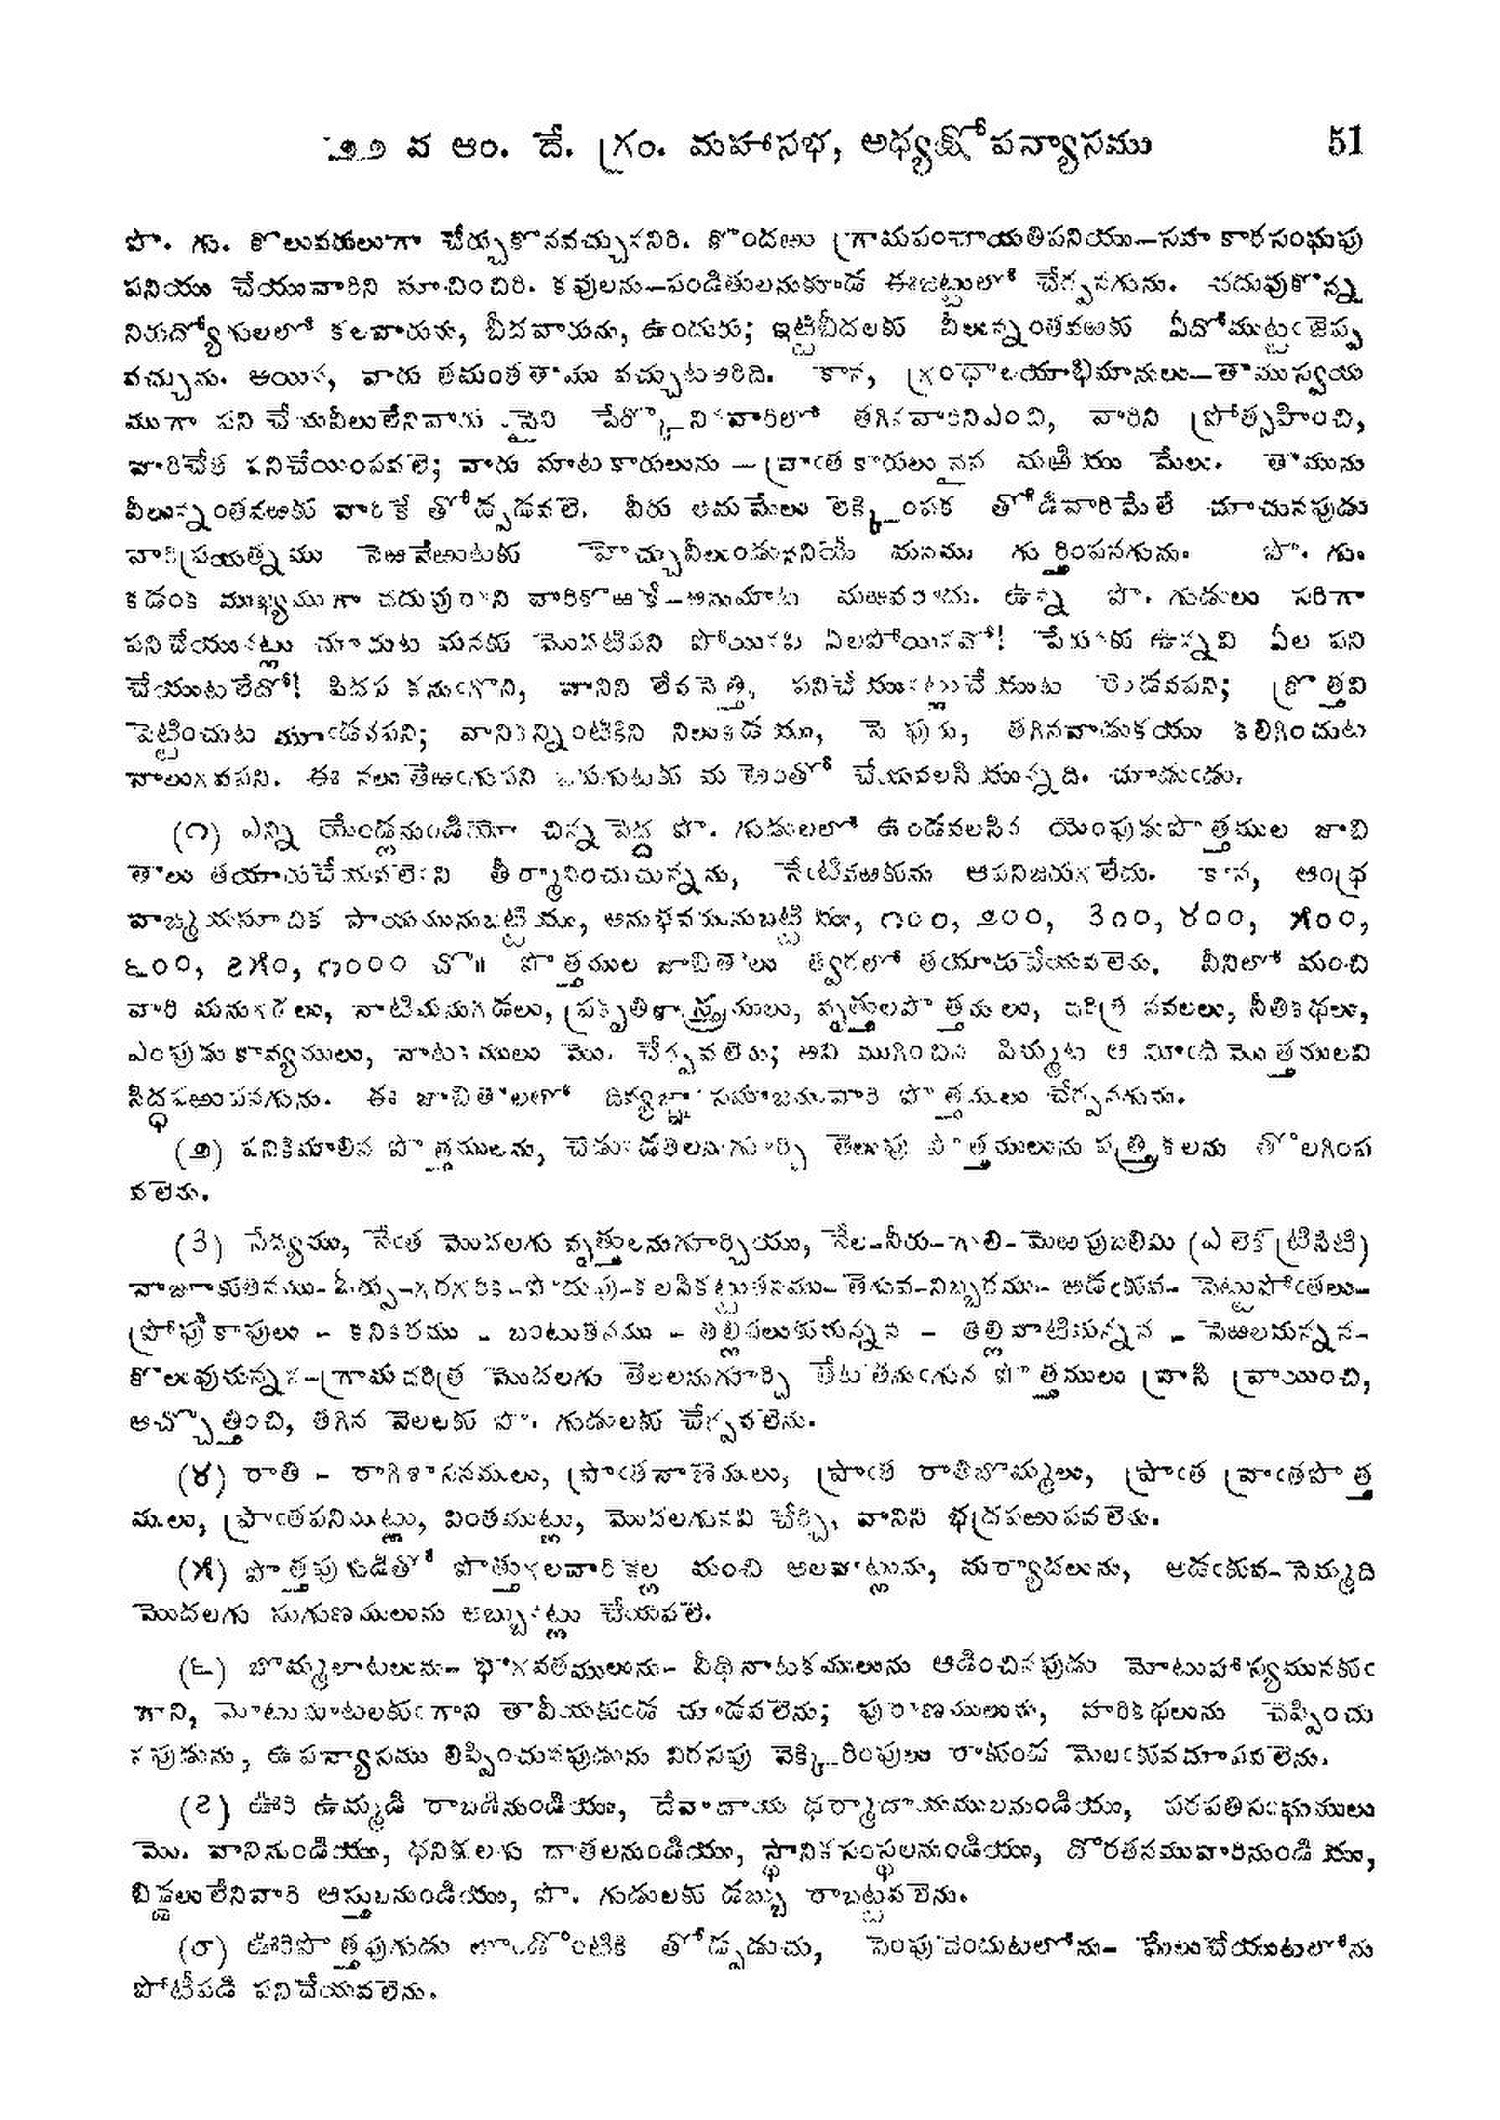పొ.గు. కొలువరులుగా చేర్చుకొనవచ్చుననిరి. కొందఱు గ్రామపంచాయతిపనియు-సహకార సంఘపు పనియు చేయువారిని 
సూచించిరి. కవులను-పండితులనుకూడ ఈజట్టులో చేర్పనగును. చదువుకొన్న నిరుద్యోగులలో కలవారుగు, బీదవారును, 
ఉందురు; ఇట్టి బీదలకు వీలున్నంతవఱకు ఏదోముట్టఁ జెప్పవచ్చును. అయిన, వారు తమంత తాము వచ్చుట అరిది. 
కానీ, గ్రంధాలయాభిమానులు తాము స్వయముగా పని చేయువీలు లేనివారు పైని పేర్కొని వారిలో తగిన వారిని ఎంచి, 
వారిని ప్రోత్సహించి, వారిచేత పనిచేయింపవలె; వారు మాట కారులును-వ్రాత కారులు నైన మఱియు మేలు. తామును 
వీలున్నంతవఱకు వారికే తోడ్పడవలె. వీరు తమమేలు లెక్కింపక తోడివారిమేలే చూచునపుడు నా ప్రయత్నము 
నెఱువేఱుటకు హెచ్చువీలుండుననియే మనము గుర్తింపనగును.పొ.గు.కడంక ముఖ్యముగా చదువురాని వారికొఱకే
ఆసుమాట మఖువరాదు. ఉన్న పొ.గుడులు సరిగా పనిచేయునట్లు చూచుట మనకు మొదటిపని పోయినవి ఏలపోయినవో! 
పేరుకు ఉన్నవి ఏల పని చేయుటలేదో! పిదప కనుగొని, వానిని లేవనెత్తి, పనిచేయునట్లు చేయుట రెండవపని; క్రొత్తవి
పెట్టించుట మూడవపని; వానికన్నింటికిని నిలుకడము, సెపురు, తగినవాడుకయు కలిగించుట నాలుగవసని. ఈ 
నలుతెఱఁగుపని జరుకుటకు మనమెంతో చేయవలసి యున్నది. చూడుఁడు.

(౧) ఎన్నియేండ్లనుఁడియో చిన్న పెద్ద పొ.గుడులలో ఉండవలసిన యెంపుడుపొత్తముల జాబితాలు తయారుచేయవలెనని తీర్మానించుచున్నను, నేఁటివఱకును ఆ పనిజరులేదు. కాన, ఆంధ్రవాఙ్మయ సూచిక సాయమును బట్టియు, అనుభవమును బట్టియు ౧౦౦,ఽ౦౦,౩౦౦,౪౦౦,౫౦౦,౬౦౦,౭౫౦,౧౦౦౦ చొ॥పొత్తముల జాబితాలు త్వరలో తయారు చేయవలెను. వీనిలో మంచి వారి మనుగడలు, నాటి మనుగడలు, ప్రకృతి శాస్త్రములు, వృత్తుల పొత్తమలు,చరిత్ర నవలలు, నీతికథలు, ఎంపుడు కావ్యములు, నాటకములు మొ. చేర్పవలెను; అవి ముగించిన పిమ్మట ఆ మీది మొత్తములవి సిద్ధపఱుపనగును. ఈ జాబితాలలో దివిజ్ఞానసమాజము వారి పొత్తములు చేర్పనగురు.

(౨) పనికిమాలిన పొత్తములను, చెడుడతలను గుర్చి తెలుపు ఉత్తములును పత్రికలను తొలగింపవలెను.

(౩) సేద్యము, నేత మొదలగు వృత్తులను గూర్చియు, నేల-నీరు-గాలి మెఱపుబలిమి (ఎలెక్ట్రిసిటీ) నాజూకుతనము-ఓర్పు-గరగిరికి-పొదుపు కలసికట్టుతనము-తెగువ-నిబ్బరము-అడఁకువ-పెట్టుపోతలు-ప్రోపుకాపులు కనికరము-బంటుతనము-తల్లి పలుకుమన్నన- తల్లినాటిమన్నన-పెఱలమన్నన-కొలువుమన్నన-గ్రామచరిత్ర మొదలగు తెలలను గూర్చి తేట తెనుఁగున పొత్తములు వ్రాసి వ్రాయించి, అచ్చొత్తించి, తగిన వెలలకు పొ.గుడులకు చేర్పవలెను.

(౪) రాతి-రాగి శాసనములు, ప్రార్థనాణెములు, ప్రాణి రాతిబొమ్మలు, ప్రాఁత వ్రాఁత పొత్తములు, ప్రాఁత పనిముట్లు, వింతముట్లు, మొదలగునవి చేర్చి, వానిని భద్రపఱుపవలెను.

(౫) పొత్తపుగుడితో పొత్తుగలవారి కెల్ల మంచి అలవాట్లును, మర్యాదలును, ఆడఁకువ-నెమ్మది మొదలగు సుగుణములును అబ్బునట్లు చేయవలె.

(౬) బొమ్మలాటలును-భాగవతములును-వీధినాటకములును ఆడించినపుడు మోటుహాస్యమునకుఁ గాని, మోటుమాటలకుఁ గాని తావీయకుండ చూడవలెను; పురాణములును, హరికథలును చెప్పించునపుడును, ఉపన్యాసము లిప్పించునపుడును నిరసపు వెక్కిరింపులు రాకుండ మెలఁకువచూపలెను.

(౭) ఊరి ఉమ్మడి రాబడినుండియు, దేవాదాయ ధర్మాదాయములనుండియు, పరపతి సంఘములు మొ. వానినుండియు, ధనికలకు దాతలనుండియు, స్థానిక సంస్థల నుండియు, దొరతనము వారి నుండియు, బిడ్డలు లేనివారి ఆస్తులనుండియు, పొ.గుడులకు డబ్బు రాబట్టవలెను.

(౮) ఊరిపొత్తపుగుడు లొండొంటికి తోడ్పడుచు, పె౦పుడె౦దుటలోను మేలుచేయుటలోను పోటీపడి పనిచేయవలెను.